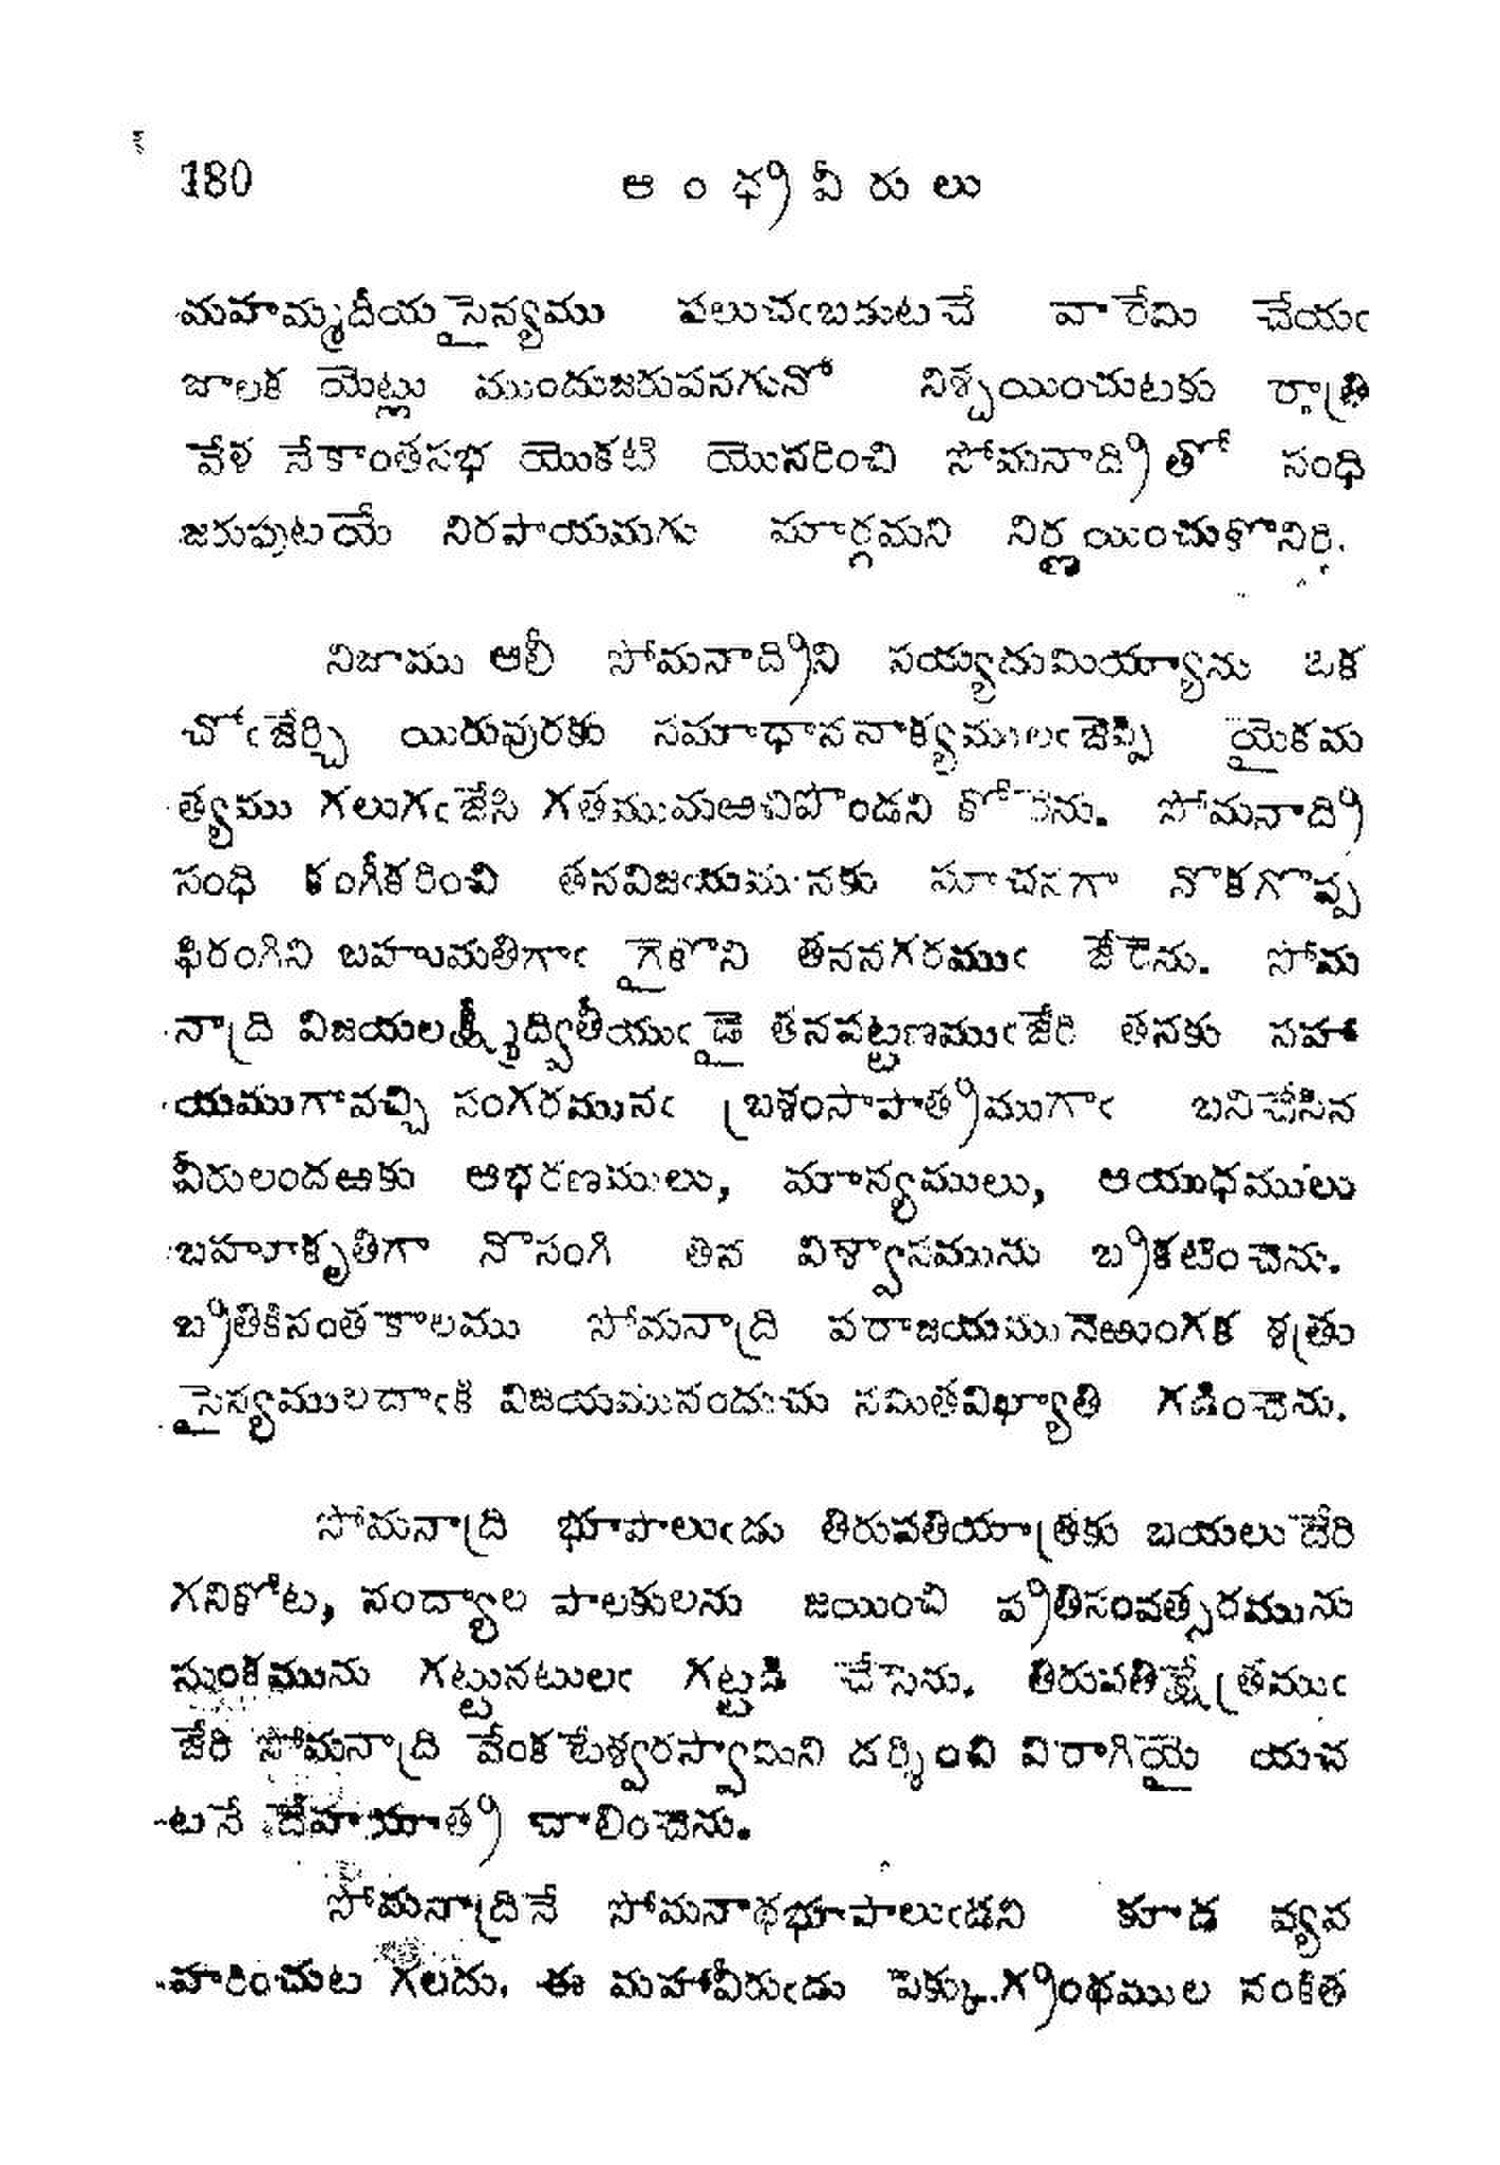మహమ్మదీయసైన్యము పలుచబడుటచే వారేమి చేయజాలక యెట్లు ముందుజరుపనగునో నిశ్చయించుటకు రాత్రివేళ నేకాంతసభ యొకటి యొనరించి సోమనాద్రితో సంధి జరుపుటయే నిరపాయమగు మార్గమని నిర్ణయించుకొనిరి.

నిజాము ఆలీ సోమనాద్రిని సయ్యదుమియ్యాను ఒకచోజేర్చి యిరువురకు సమాధానవాక్యములజెప్పి యైకమత్యము గలుగజేసి గతముమఱచిపొండని కోరెను. సోమనాద్రి సంధి కంగీకరించి తనవిజయమునకు సూచనగా నొకగొప్ప ఫిరంగిని బహుమతిగా గైకొని తననగరము జేరెను. సోమనాద్రి విజయలక్ష్మీద్వితీయుడై తనపట్టణముజేరి తనకు సహాయముగావచ్చి సంగరమున బ్రశంసాపాత్రముగా బనిచేసిన వీరులందఱకు ఆభరణములు, మాన్యములు,ఆయుధములు బహూకృతిగా నొసంగి తన విశ్వాసమును బ్రకటించెను. బ్రతికినంతకాలము సోమనాద్రి పరాజయము నెఱుంగక శత్రుసైన్యములదాకి విజయమునందుచు నమితవిఖ్యాతి గడించెను.

సోమనాద్రి భూపాలుడు తిరుపతియాత్రకు బయలుదేరి గనికోట, నంద్యాల పాలకులను జయించి ప్రతిసంవత్సరమును సుంకమును గట్టునటుల గట్టడి చేసెను. తిరుపతిక్షేత్రము జేరి సోమనాద్రి వేంకటేశ్వరస్వామిని దర్శించి విరాగియై యచటనే దేహయాత్ర చాలించెను.

సోమానాద్రినే సోమనాథభూపాలుడని కూడ వ్యవహరించుట గలదు. ఈ మహావీరుడు పెక్కుగ్రంథముల నంకిత